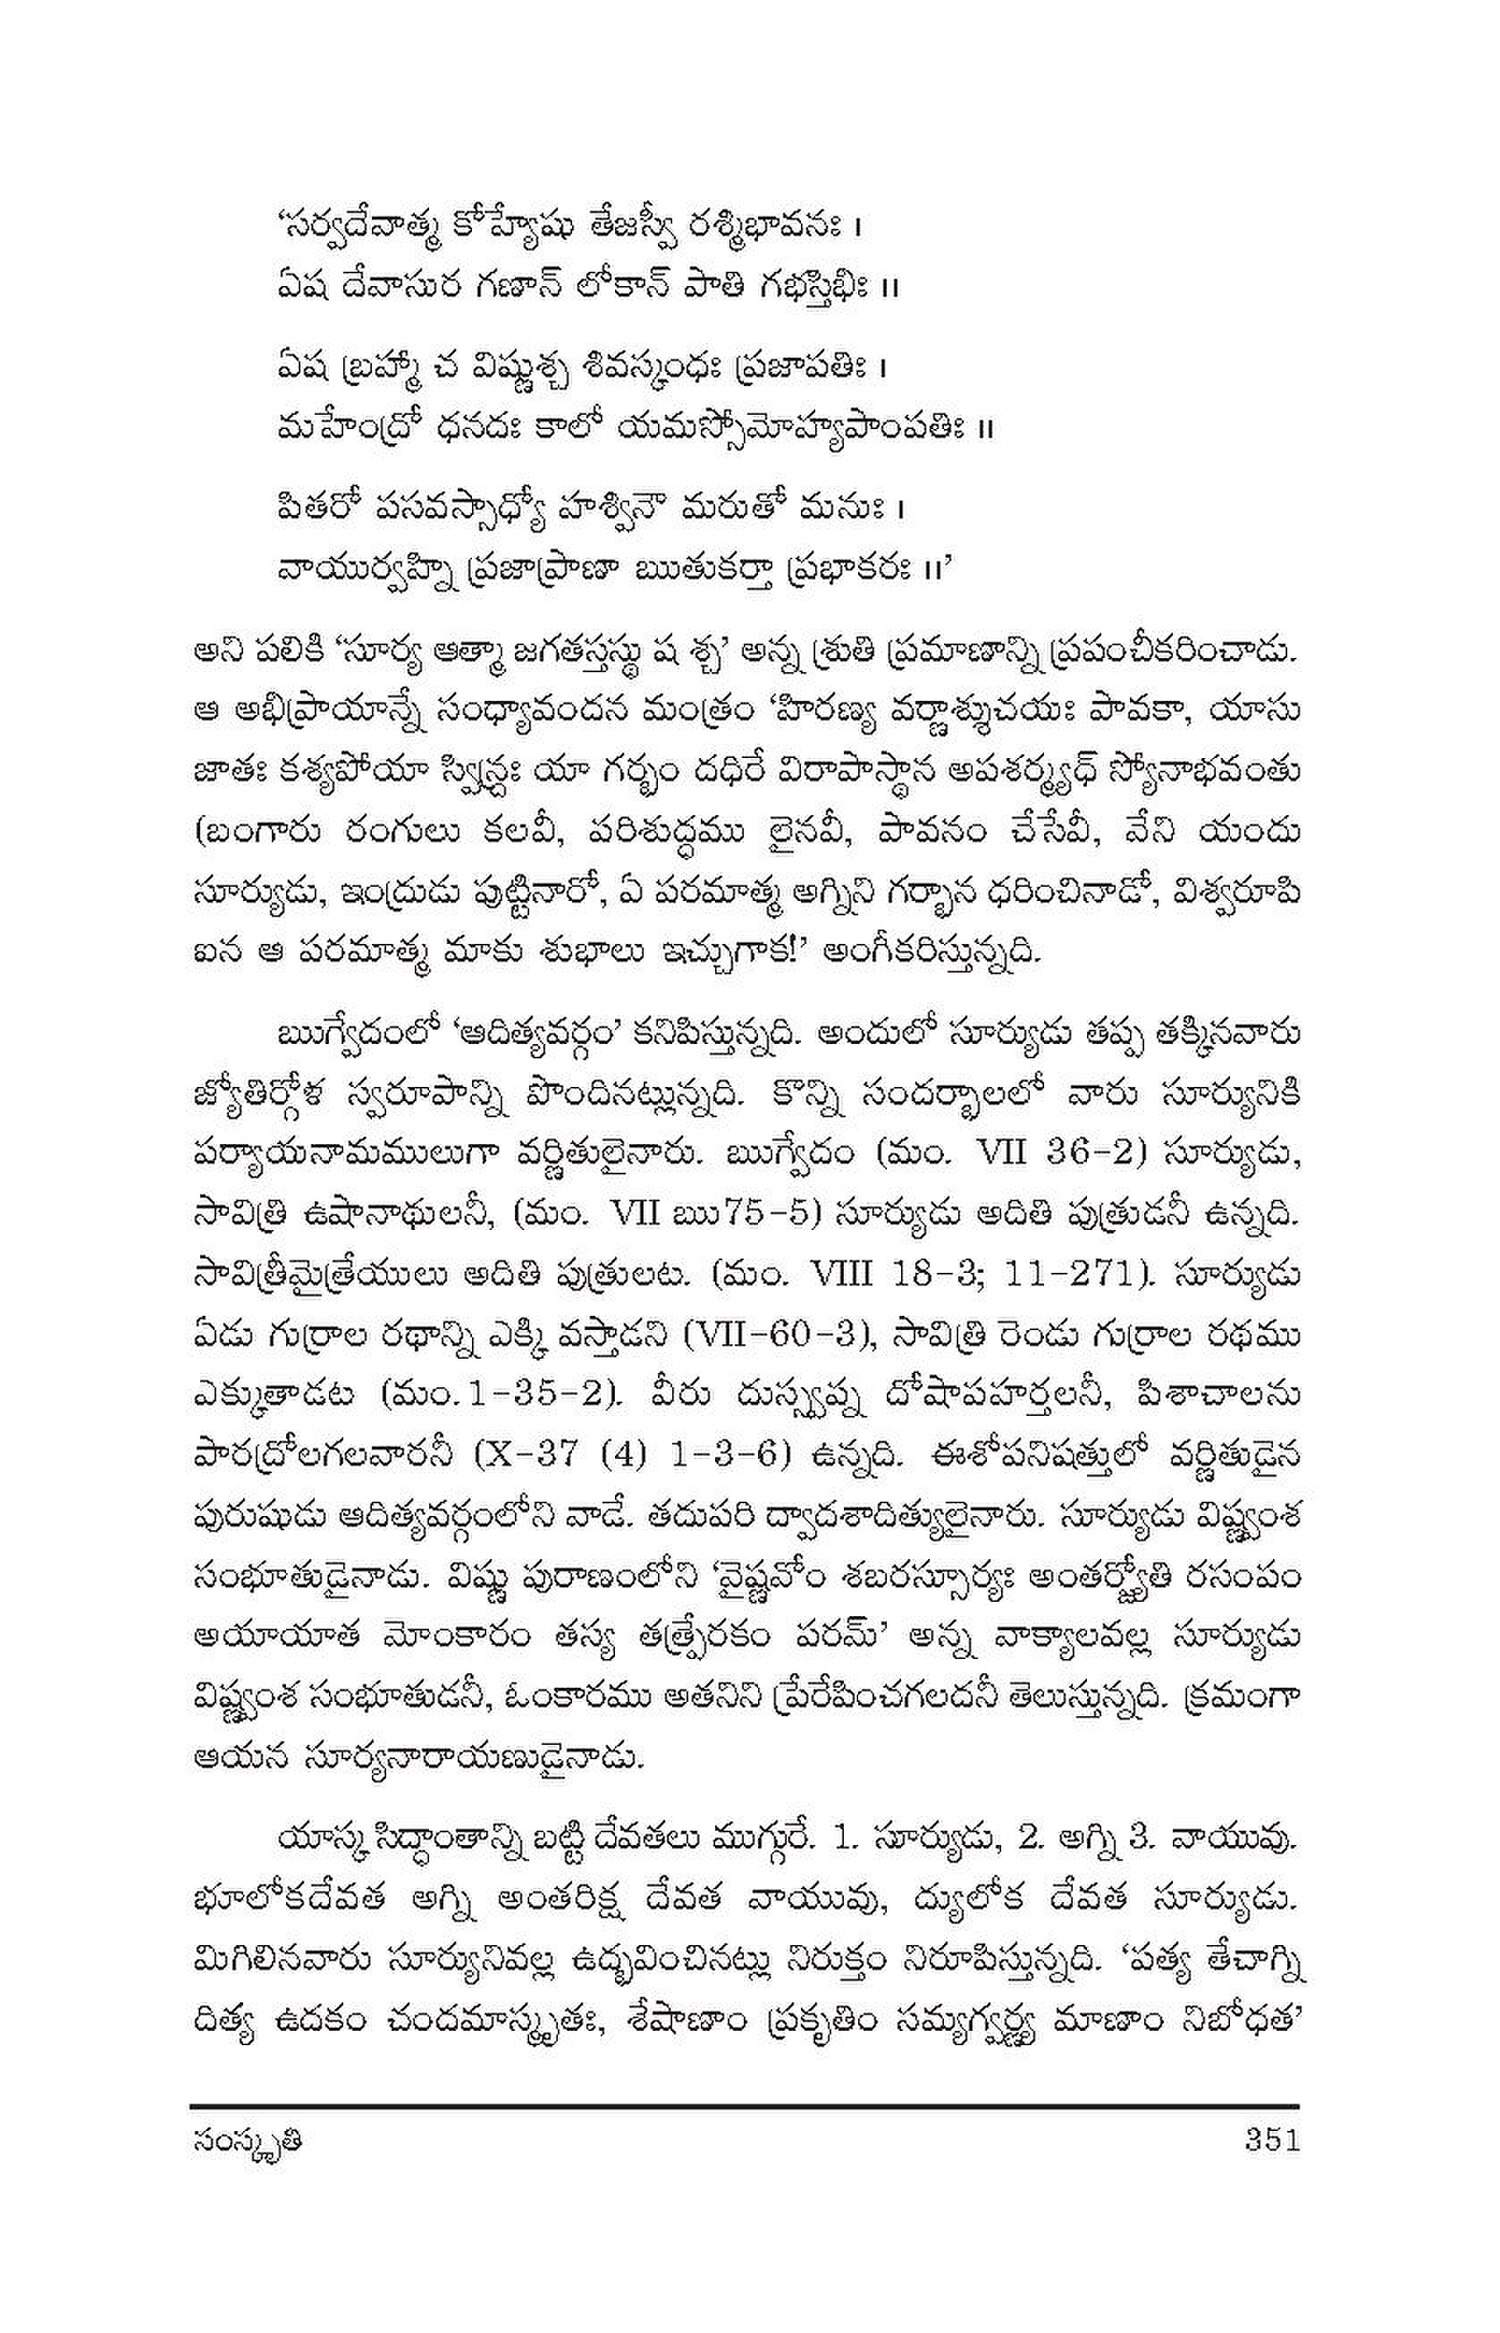'సర్వదేవాత్మ కోహ్యేషు తేజస్వీ రశ్మిభావనః ।
ఏష దేవాసుర గణాన్ లోకాన్ పాతి గభస్తిభిః ॥
ఏష బ్రహ్మా చ విష్ణుశ్చ శివస్కంధః ప్రజాపతిః |
మహేంద్రో ధనదః కాలో యమస్సోమోహ్యపాంపతిః ||
పితరో వసవస్సాధ్యో హశ్వినౌ మరుతో మనుః ।
వాయుర్వహ్ని ప్రజాప్రాణా ఋతుకర్తా ప్రభాకరః ॥' 

అని పలికి 'సూర్య ఆత్మా జగతస్తస్థు షశ్చ' అన్న శ్రుతి ప్రమాణాన్ని ప్రపంచీకరించాడు.
ఆ అభిప్రాయాన్నే సంధ్యావందన మంత్రం 'హిరణ్య వర్ణాశ్శుచయః పావకా, యాసు
జాతః కశ్యపోయా స్విన్ద్రః యా గర్భం దధిరే విరాపాస్థాన అపశర్మ్యధ్ స్యోనాభవంతు
(బంగారు రంగులు కలవీ, పరిశుద్ధము లైనవీ, పావనం చేసేవీ, వేని యందు
సూర్యుడు, ఇంద్రుడు పుట్టినారో, ఏ పరమాత్మ అగ్నిని గర్భాన ధరించినాడో, విశ్వరూపి
ఐన ఆ పరమాత్మ మాకు శుభాలు ఇచ్చుగాక!' అంగీకరిస్తున్నది.

ఋగ్వేదంలో 'ఆదిత్యవర్గం' కనిపిస్తున్నది. అందులో సూర్యుడు తప్ప తక్కినవారు
జ్యోతిర్గోళ స్వరూపాన్ని పొందినట్లున్నది. కొన్ని సందర్భాలలో వారు సూర్యునికి
పర్యాయనామములుగా వర్ణితులైనారు. ఋగ్వేదం (మం. VII 36-2) సూర్యుడు,
సావిత్రి ఉషానాథులనీ, (మం. VII ఋ75-5) సూర్యుడు అదితి పుత్రుడనీ ఉన్నది.
సావిత్రీమైత్రేయులు అదితి పుత్రులట. (మం. VIII 18-3; 11-271). సూర్యుడు
ఏడు గుర్రాల రథాన్ని ఎక్కి వస్తాడని (VII-60-3), సావిత్రి రెండు గుర్రాల రథము
ఎక్కుతాడట (మం.1-35-2). వీరు దుస్స్వప్న దోషాపహర్తలనీ, పిశాచాలను
పారద్రోలగలవారనీ (X-37 (4) 1-3-6) ఉన్నది. ఈశోపనిషత్తులో వర్ణితుడైన
పురుషుడు ఆదిత్యవర్గంలోని వాడే. తదుపరి ద్వాదశాదిత్యులైనారు. సూర్యుడు విష్ణ్వంశ
సంభూతుడైనాడు. విష్ణు పురాణంలోని 'వైష్ణవోం శబరస్సూర్యః అంతర్జ్యోతి రసంపం
అయాయాత మోంకారం తస్య తత్ప్రేరకం పరమ్' అన్న వాక్యాలవల్ల సూర్యుడు
విష్ణ్వంశ సంభూతుడనీ, ఓంకారము అతనిని ప్రేరేపించగలదనీ తెలుస్తున్నది. క్రమంగా
ఆయన సూర్యనారాయణుడైనాడు.

యాస్క సిద్దాంతాన్ని బట్టి దేవతలు ముగ్గురే. 1. సూర్యుడు, 2. అగ్ని 3. వాయువు.
భూలోకదేవత అగ్ని అంతరిక్ష దేవత వాయువు, ద్యులోక దేవత సూర్యుడు.
మిగిలినవారు సూర్యునివల్ల ఉద్భవించినట్లు నిరుక్తం నిరూపిస్తున్నది. 'పత్య తేచాగ్ని
దిత్య ఉదకం చందమాస్మృతః, శేషాణాం ప్రకృతిం సమ్యగ్వర్థ్య మాణాం నిబోధత'